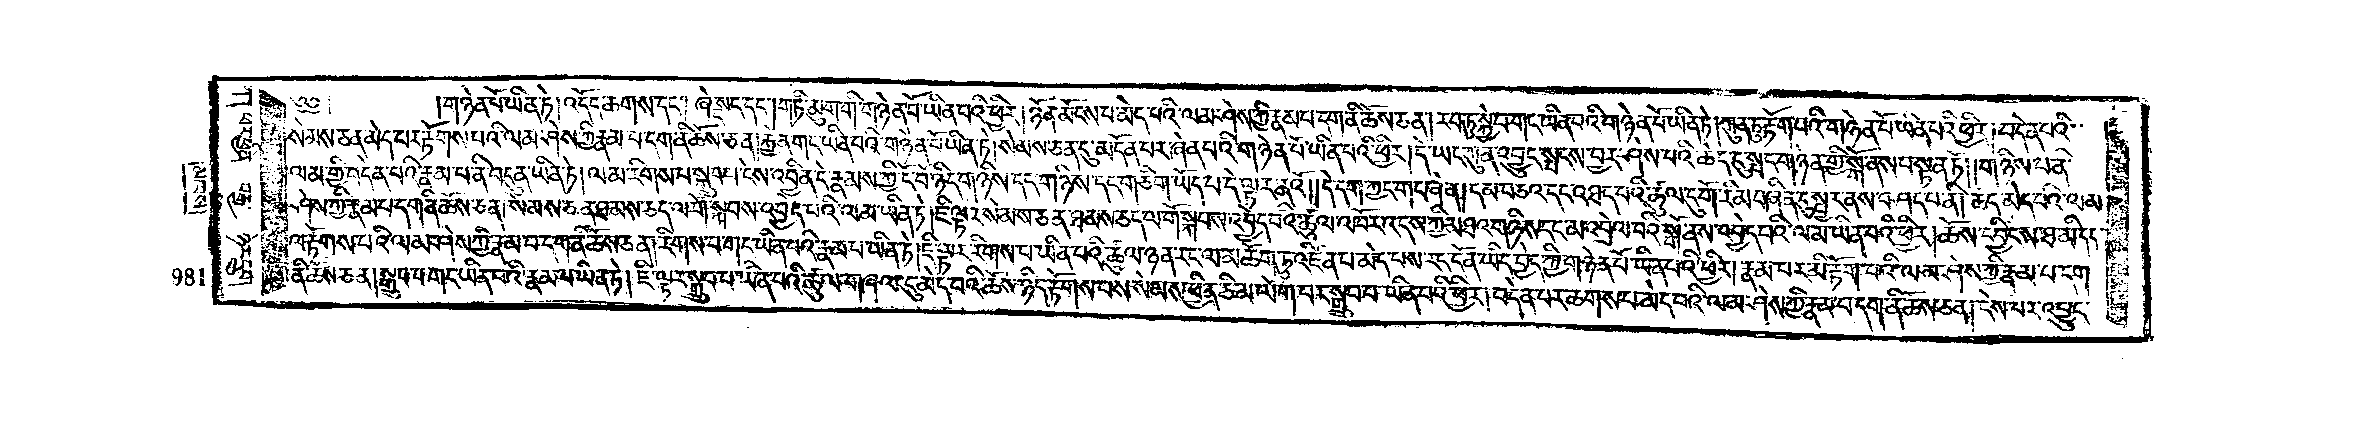༄༅། །གཉེན་པོ་ཡིན་ཏེ། འདོད་ཆགས་དང་། ཞེ་སྡང་དང་། གཏི་མུག་གི་གཉེན་པོ་ཡིན་པའི་ཕྱིར། ཉོན་མོངས་པ་མེད་པའི་ལམ་ཤེས་ཀྱི་རྣམ་པ་དག་ནི་ཆོས་ཅན། རབ་ཏུ་སྐྱེ་བ་གང་ཡིན་པའི་གཉེན་པོ་ཡིན་ཏེ། ཀུན་ཏུ་རྟོག་པའི་གཉེན་པོ་ཡིན་པའི་ཕྱིར། བདེན་པའི་
སེམས་ཅན་མེད་པར་རྟོགས་པའི་ལམ་ཤེས་ཀྱི་རྣམ་པ་དག་ནི་ཆོས་ཅན། རྐྱེན་གང་ཡིན་པའི་གཉེན་པོ་ཡིན་ཏེ། སེམས་ཅན་དུ་མངོན་པར་ཞེན་པའི་གཉེན་པོ་ཡིན་པའི་ཕྱིར། དེ་ཡང་ཀུན་འབྱུང་སྤངས་བྱར་ཤེས་པའི་ཆེད་དུ་སྤང་གཉེན་གྱི་སྒོ་ནས་བསྟན་ཏོ། །གཉིས་པ་ནི་
ལམ་གྱི་བདེན་པའི་རྣམ་པ་ནི་བདུན་ཡིན་ཏེ། ལམ་རིགས་པ་སྒྲུབ་པ་ངེས་འབྱིན་དེ་རྣམས་ཀྱི་ངོ་བོ་ཉིད་གཉིས་དང་གཉིས་དང་གཅིག་ཡོད་པ་དེ་ལྟར་ནའོ། །དེ་དག་ཀྱང་གང་ཞེ་ན། དམ་བཅའ་དང་འཐད་པའི་ཚུལ་དུ་གོ་རིམ་བཞིན་དུ་སྦྱར་ནས་བཤད་པ་ནི། ཚད་མེད་པའི་ལམ་
ཤེས་ཀྱི་རྣམ་པ་དག་ནི་ཆོས་ཅན། སེམས་ཅན་ཐམས་ཅད་ལ་གོ་སྐབས་འབྱེད་པའི་ལམ་ཡིན་ཏེ། ཇི་ལྟར་སེམས་ཅན་ཐམས་ཅད་ལ་གོ་སྐབས་འབྱེད་པའི་ཚུལ་འཁོར་འདས་ཀྱི་མཐའ་གཉིས་དང་མ་འབྲེལ་བའི་སྒོ་ནས་འབྱེད་པའི་ལམ་ཡིན་པའི་ཕྱིར། ཆོས་དབྱིངས་ཐ་མི་དད་
ལ་རྟོགས་པའི་ལམ་ཤེས་ཀྱི་རྣམ་པ་དག་ནི་ཆོས་ཅན། རིགས་པ་གང་ཡིན་པའི་རྣམ་པ་ཡིན་ཏེ། ཇི་ལྟར་རིགས་པ་ཡིན་པའི་ཚུལ་ཉན་རང་ལ་མཆོག་ཏུ་འཛིན་པ་མེད་པས་རང་དོན་ཡིད་བྱེད་ཀྱི་གཉེན་པོ་ཡིན་པའི་ཕྱིར། རྣམ་པར་མི་རྟོག་པའི་ལམ་ཤེས་ཀྱི་རྣམ་པ་དག་
ནི་ཆོས་ཅན། སྒྲུབ་པ་གང་ཡིན་པའི་རྣམ་པ་ཡིན་ཏེ། ཇི་ལྟར་སྒྲུབ་པ་ཡིན་པའི་ཚུལ་གཞལ་དུ་མེད་པའི་ཆོས་ཉིད་རྟོགས་པས་སེམས་ཕྱིན་ཅི་མ་ལོག་པར་སྒྲུབ་པ་ཡིན་པའི་ཕྱིར། བདེན་པར་ཆགས་པ་མེད་པའི་ལམ་ཤེས་ཀྱི་རྣམ་པ་དག་ནི་ཆོས་ཅན། ངེས་པར་འབྱུང་